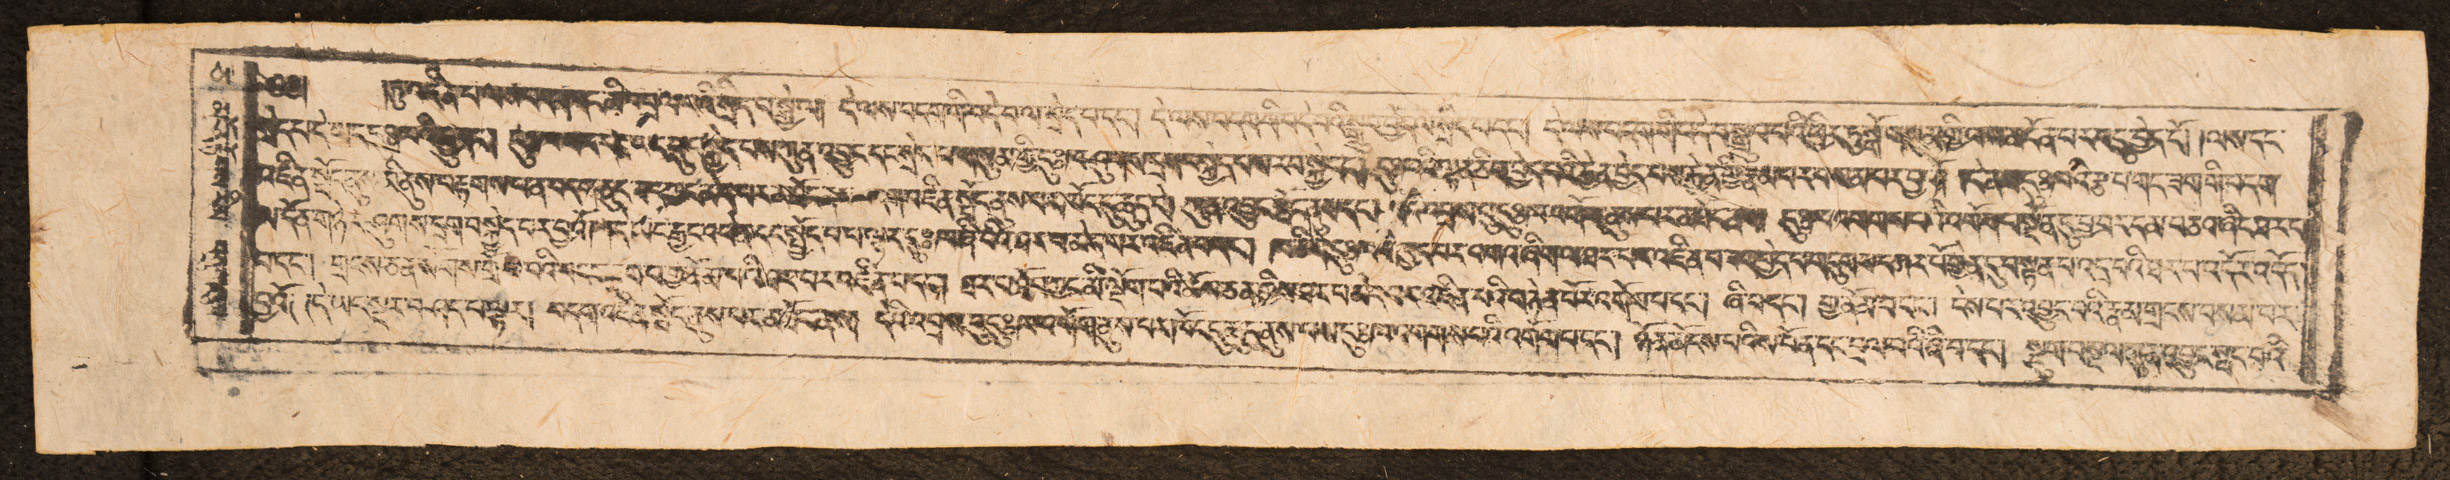༄༅། །ཏུ་འཛིན་པ་ལས་བདག་དང་མི་འབྲལ་བའི་སྲིད་པ་སྐྱེ་ལ། དེ་ལས་བདག་གི་བདེ་བ་ལ་སྲེད་པ་དང་། དེ་ལས་བདག་གི་བདེ་བའི་སྒྲུབ་བྱེད་ལ་སྲེད་པ་དང་། དེ་ལས་བདག་གི་བདེ་བ་སྒྲུབ་པའི་ཕྱིར་ཏུ་སྒོ་གསུམ་གྱི་ལས་མངོན་པར་འདུ་བྱེད་དོ། །ལས་དང་
སྲེད་པ་དེ་ཡང་དུཿ ཁའི་རྒྱུ་དང་། དུཿ ཁ་ཡང་དང་ཡང་དུ་བསྐྱེད་པས་ཀུན་འབྱུང་དང་སྲེད་པ་གསུམ་གྱི་དུཿ ཁ་ཤུགས་དྲག་བསྐྱེད་པས་རབ་སྐྱེ་དང་། དུཿ ཁའི་ལྷན་ཅིག་བྱེད་པའི་རྐྱེན་བྱེད་པས་རྐྱེན་གྱི་རྣམ་པར་བསམ་པར་བྱའོ། །དེ་ནས་དུཿ ཁའི་རྩ་བ་གང་ཟག་གི་བདག་
འཛིན་སྤོང་ནུས་མི་ནུས་བརྟགས་པ་ན་བདག་ཅུང་ཟད་ཀྱང་མེད་པར་མཐོང་ནས་བདག་འཛིན་སྤོང་ནུས་པར་ཁོང་དུ་ཆུད་དེ། ཀུན་འབྱུང་སྤོང་ནུས་དང་། དེའི་འབྲས་བུ་དུཿ ཁ་འགོག་ནུས་པར་མཐོང་ནས། དུཿ ཁ་འགགས་པའི་འགོག་པ་སྔོན་དུ་བྱ་བར་དམ་བཅའ་ཞིང་ཐར་པ་
ལ་དོན་གཉེར་ཤུགས་དྲག་བསྐྱེད་པར་བྱའོ། །དེ་ཡང་རྒྱང་འཕེན་དང་སྤྱོད་པ་པ་ལྟར་དུཿ ཁ་ཞི་བའི་ཐར་པ་མེད་པར་འཛིན་པ་དང་། ཁ་ཅིག་དུཿ ཁའི་ཁྱད་པར་འགའ་ཞིག་ལ་ཐར་པར་འཛིན་པ་ཟག་བྱེད་པ་གདུགས་དཀར་པོ་གྱེན་དུ་བསྟན་པ་འདྲ་བའི་ཐར་པ་འདོར་འདོད་
པ་དང་། གྲངས་ཅན་སོགས་གྲོལ་བའི་བདག་རྟག་པ་གྱ་ནོམ་པའི་ཐར་པར་འཛིན་པ་དང་། ཐར་པ་ཐོབ་ཀྱང་མི་ལྡོག་པའི་ཆོས་ཅན་གྱིས་ཐར་པ་མེད་པར་འཛིན་པའི་གཉེན་པོར་འགོག་པ་དང་། ཞི་བ་དང་། གྱ་ནོམ་པ་དང་། ངེས་པར་འབྱུང་བའི་རྣམ་གྲངས་བསམ་པར་
བྱའོ། །དེ་ཡང་སྔར་བཤད་པ་ལྟར། བདག་འཛིན་སྤོང་ནུས་པར་མཐོང་ནས། དེའི་འབྲས་བུ་དུཿ ཁ་འགོག་ནུས་པར་ཁོང་དུ་ཆུད་ནུས་པས་དུཿ ཁ་འགགས་པའི་འགོག་པ་དང་། ཉོན་མོངས་པའི་ས་བོན་དང་བྲལ་བའི་ཞི་བ་དང་། སྡུག་བསྔལ་ཀུན་འབྱུང་སྤང་བའི་